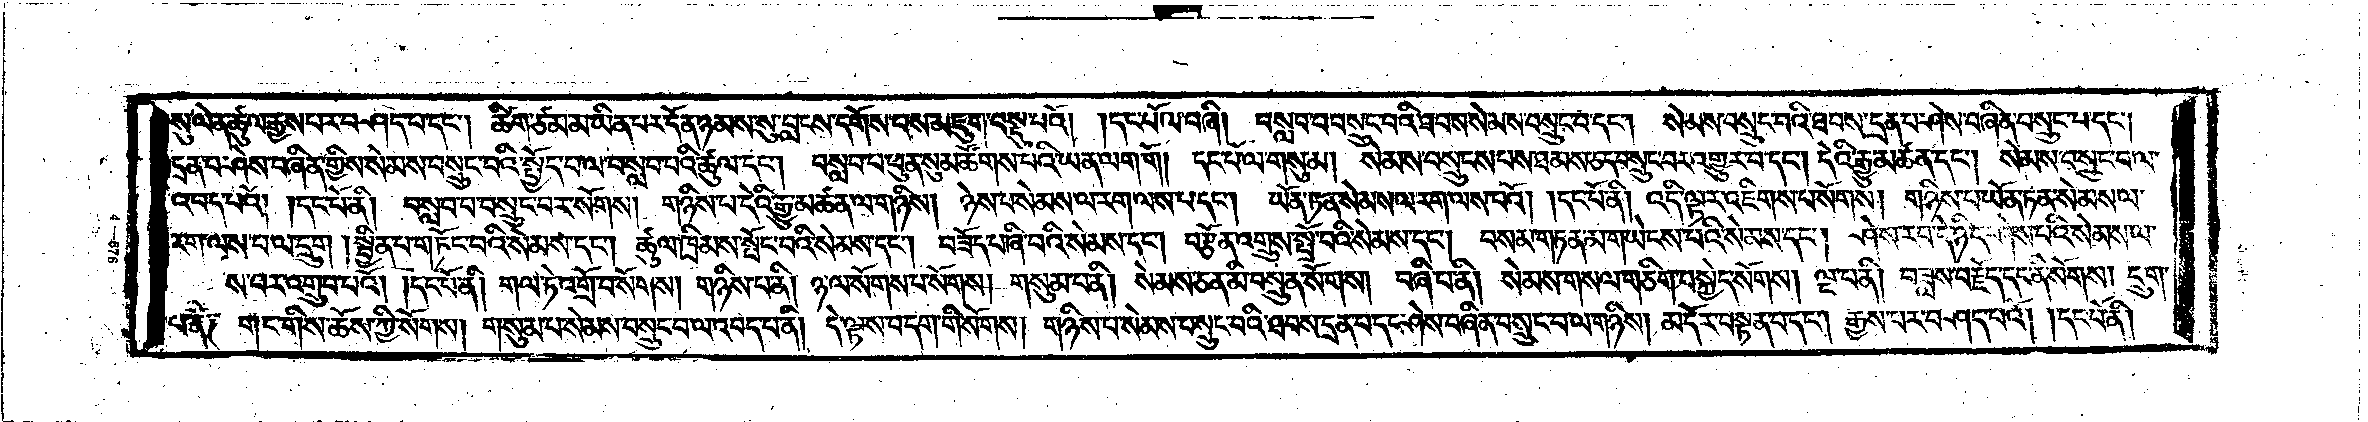སུ་ལེན་ཚུལ་རྒྱས་པར་བཤད་པ་དང་། ཚིག་ཙམ་མ་ཡིན་པར་དོན་ཉམས་སུ་བླངས་དགོས་བས་མཇུག་བསྡུ་པའོ། །དང་པོ་ལ་བཞི། བསླབ་པ་བསྲུང་བའི་ཐབས་སེམས་བསྲུང་བ་དང་། སེམས་བསྲུང་བའི་ཐབས་དྲན་པ་ཤེས་བཞིན་བསྲུང་པ་དང་།
དྲན་པ་ཤེས་བཞིན་གྱིས་སེམས་བསྲུང་བའི་སྤྱོད་པ་ལ་བསླབ་པའི་ཚུལ་དང་། བསླབ་པ་ཕུན་སུམ་ཚོགས་པའི་ཡན་ལག་གོ། དང་པོ་ལ་གསུམ། སེམས་བསྲུངས་པས་ཐམས་ཅད་བསྲུང་བར་འགྱུར་བ་དང་། དེའི་རྒྱུ་མཚན་དང་། སེམས་བསྲུང་བ་ལ་
འབད་པའོ། །དང་པོ་ནི། བསླབ་པ་བསྲུང་བར་སོགས། གཉིས་པ་དེའི་རྒྱུ་མཚན་ལ་གཉིས། ཉེས་པ་སེམས་ལ་རག་ལས་པ་དང་། ཡོན་ཏན་སེམས་ལ་རག་ལས་པའོ། །དང་པོ་ནི། འདི་ལྟར་འཇིགས་པ་སོགས། གཉིས་པ་ཡོན་ཏན་སེམས་ལ་
རག་ལས་པ་ལ་དྲུག །སྦྱིན་པ་གཏོང་བའི་སེམས་དང་། ཚུལ་ཁྲིམས་སྤོང་བའི་སེམས་དང་། བཟོད་བཞི་བའི་སེམས་དང་། བརྩོན་འགྲུས་སྤྲོ་བའི་སེམས་དང་། བསམ་གཏན་མ་གཡེངས་པའི་སེམས་དང་། ཤེས་རབ་དེ་ཉིད་ཤས་པའི་སེམས་ལ་
ཞེས་བར་འགྲུབ་པའོ། །དང་པོ་ནི། གལ་ཏེ་འགྲོ་བ་སོགས། གཉིས་པ་ནི། ཉ་ལ་སོགས་པ་སོགས། གསུམ་པ་ནི། སེམས་ཅན་མི་བསྲུན་སོགས། བཞི་པ་ནི། སེམས་གསལ་གཅིག་བསྐྱེད་སོགས། ལྔ་པ་ནི། བཟླས་བརྗོད་དང་ནི་སོགས། དྲུག་
པ་ནི༑ གང་གིས་ཆོས་ཀྱི་སོགས། གསུམ་པ་སེམས་བསྲུང་བ་ལ་འབད་པ་ནི། དེ་ལྟས་བདག་གི་སོགས། གཉིས་པ་སེམས་བསྲུང་བའི་ཐབས་དྲན་པ་དང་ཤེས་བཞིན་བསྲུང་བ་ལ་གཉིས། མདོར་བསྟན་པ་དང་། རྒྱས་པར་བཤད་པའོ། །དང་པོ་ནི།